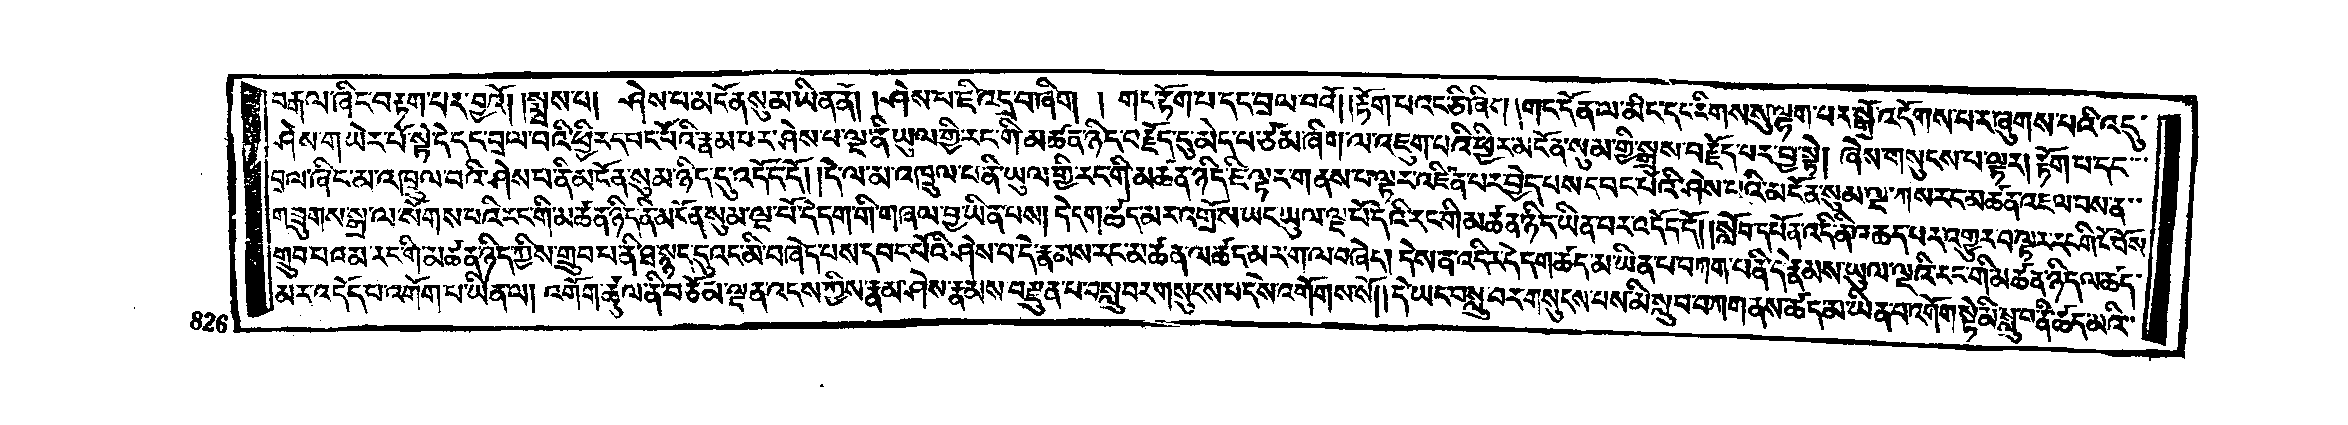བརྒལ་ཞིང་བརྟག་པར་བྱའོ། །སྨྲས་པ། ཤེས་པ་མངོན་སུམ་ཡིན་ནོ། །ཤེས་པ་ཇི་འདྲ་བ་ཞིག །གང་རྟོག་པ་དང་བྲལ་བའོ། །རྟོག་པའང་ཅི་ཞིག །གང་དོན་ལ་མིང་དང་རིགས་སུ་ལྷག་པར་སྒྲོ་འདོགས་པར་ཞུགས་པའི་འདུ་
ཤེས་གཡེར་པོ་སྟེ་དེ་དང་བྲལ་བའི་ཕྱིར་དབང་པོའི་རྣམ་པར་ཤེས་པ་ལྔ་ནི་ཡུལ་གྱི་རང་གི་མཚན་ཉིད་བརྗོད་དུ་མེད་པ་ཙམ་ཞིག་ལ་འཇུག་པའི་ཕྱིར་མངོན་སུམ་གྱི་སྒྲས་བརྗོད་པར་བྱ་སྟེ། ཞེས་གསུངས་པ་ལྟར། རྟོག་པ་དང་
བྲལ་ཞིང་མ་འཁྲུལ་བའི་ཤེས་པ་ནི་མངོན་སུམ་ཉིད་དུ་འདོད་དོ། །དེ་ལ་མ་འཁྲུལ་བ་ནི་ཡུལ་གྱི་རང་གི་མཚན་ཉིད་ཇི་ལྟར་གནས་པ་ལྟར་འཛིན་པར་བྱེད་པས་དབང་པོའི་ཤེས་པའི་མངོན་སུམ་ལྔ་ཀས་རང་མཚན་འཇལ་བས་ན་
གཟུགས་སྒྲ་ལ་སོགས་པའི་རང་གི་མཚན་ཉིད་ནི་མངོན་སུམ་ལྔ་པོ་དེ་དག་གི་གཞལ་བྱ་ཡིན་པས། དེ་དག་ཚད་མར་འགྲོ་ས་ཡང་ཡུལ་ལྔ་པོ་དེའི་རང་གི་མཚན་ཉིད་ཡིན་པར་འདོད་དོ། །སློབ་དཔོན་འདི་ནི་འཆད་པར་འགྱུར་བ་ལྟར་རང་གི་ངོ་བོས་
གྲུབ་པའམ་རང་གི་མཚན་ཉིད་ཀྱིས་གྲུབ་པ་ནི་ཐ་སྙད་དུའང་མི་བཞེད་པས་དབང་པོའི་ཤེས་པ་དེ་རྣམས་རང་མཚན་ལ་ཚད་མར་ག་ལ་བཞེད། དེས་ན་འདིར་དེ་དག་ཚད་མ་ཡིན་པ་བཀག་པ་ནི་དེ་རྣམས་ཡུལ་ལྔའི་རང་གི་མཚན་ཉིད་ལ་ཚད་
མར་འདོ་པ་འགོག་པ་ཡིན་ལ། འགོག་ཚུལ་ནི་བཅོམ་ལྡན་འདས་ཀྱིས་རྣམ་ཤེས་རྣམས་བརྫུན་པ་བསླུ་བར་གསུངས་པ་དེས་འགེགས་སོ། །དེ་ཡང་བསླུ་བར་གསུངས་པས་མི་སླུ་བ་བཀག་ནས་ཚད་མ་ཡིན་པ་འགོག་སྟེ་མི་སླུ་བ་ནི་ཚད་མའི་